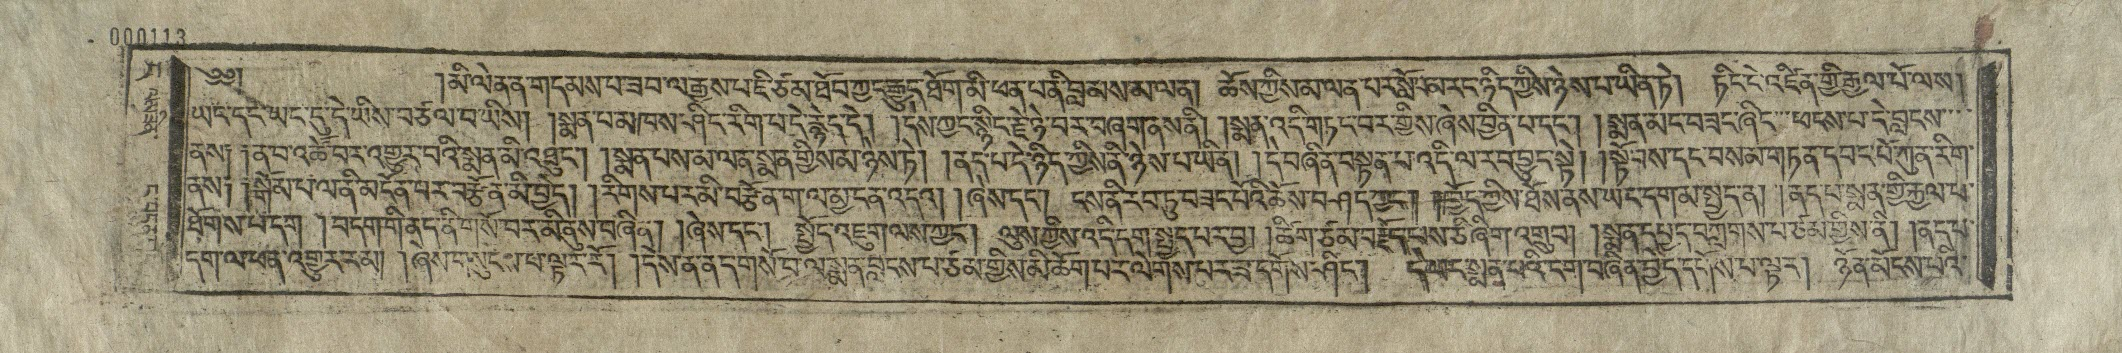༄༅། །མི་ལེན་ན་གདམས་པ་ཟབ་ལ་རྒྱས་པ་ཇི་ཙམ་ཐོབ་ཀྱང་རྒྱུད་ཐོག་མི་ཕན་པ་ནི་བླ་མས་མ་ལན། ཆོས་ཀྱིས་མ་ལན་པར་སློབ་མ་རང་ཉིད་ཀྱིས་ཉེས་པ་ཡིན་ཏེ། ཏིང་ངེ་འཛིན་གྱི་རྒྱལ་པོ་ལས།
ཡང་དང་ཡང་དུ་དེ་ཡིས་བཙལ་བ་ཡིས། །སྨན་པ་མཁས་ཤིང་རིག་པ་དེ་རྙེད་དེ། །དེས་ཀྱང་སྙིང་རྗེ་ཉེ་བར་བཞག་ནས་ནི། །སྨན་འདི་གཏང་བར་གྱིས་ཞེས་བྱིན་པ་དང་། །སྨན་མང་བཟང་ཞིང་ཕངས་པ་དེ་བླངས་
ནས༑ ༑ན་བ་འཚོ་བར་འགྱུར་བའི་སྨན་མི་འཐུང་། །སྨན་པས་མ་ལན་སྨན་གྱིས་མ་ཉེས་ཏེ། །ནད་པ་དེ་ཉིད་ཀྱིས་ནི་ཉེས་པ་ཡིན། །དེ་བཞིན་བསྟན་པ་འདི་ལ་རབ་བྱུང་སྟེ། །སྟོབས་དང་བསམ་གཏན་དབང་པོ་ཀུན་རིག་
ནས༑ ༑སྒོམ་པ་ལ་ནི་མངོན་པར་བརྩོན་མི་བྱེད། །རིགས་པར་མི་བརྩོན་ག་ལ་མྱ་ངན་འདའ། །ཞེས་དང་། ངས་ནི་རབ་ཏུ་བཟང་པོའི་ཆོས་བཤད་ཀྱང་། །ཁྱོད་ཀྱིས་ཐོས་ནས་ཡང་དག་མ་སྤྱད་ན། །ནད་པ་སྨན་གྱི་རྐྱལ་?་པ་
ཐོགས་པ་དག །བདག་གི་ནད་ནི་གསོ་བར་མི་ནུས་བཞིན། །ཞེས་དང་། སྤྱོད་འཇུག་ལས་ཀྱང་། ལུས་ཀྱིས་འདི་དག་སྤྱད་པར་བྱ། །ཚིག་ཙམ་བརྗོད་པས་ཅི་ཞིག་འགྲུབ། །སྨན་དཔྱད་བཀླགས་པ་ཙམ་གྱིས་ནི། །ནད་པ་
དག་ལ་ཕན་འགྱུར་རམ། །ཞེས་གསུངས་པ་ལྟར་རོ། །དེས་ན་ནད་གསོ་བ་ལ་སྨན་བླངས་པ་ཙམ་གྱིས་མི་ཆོག་པར་ལེགས་པར་ཟ་དགོས་ཤིང་། དེ་ཡང་སྨན་པའི་ངག་བཞིན་བྱེད་དགོས་པ་ལྟར། ཉོན་མོངས་པའི་